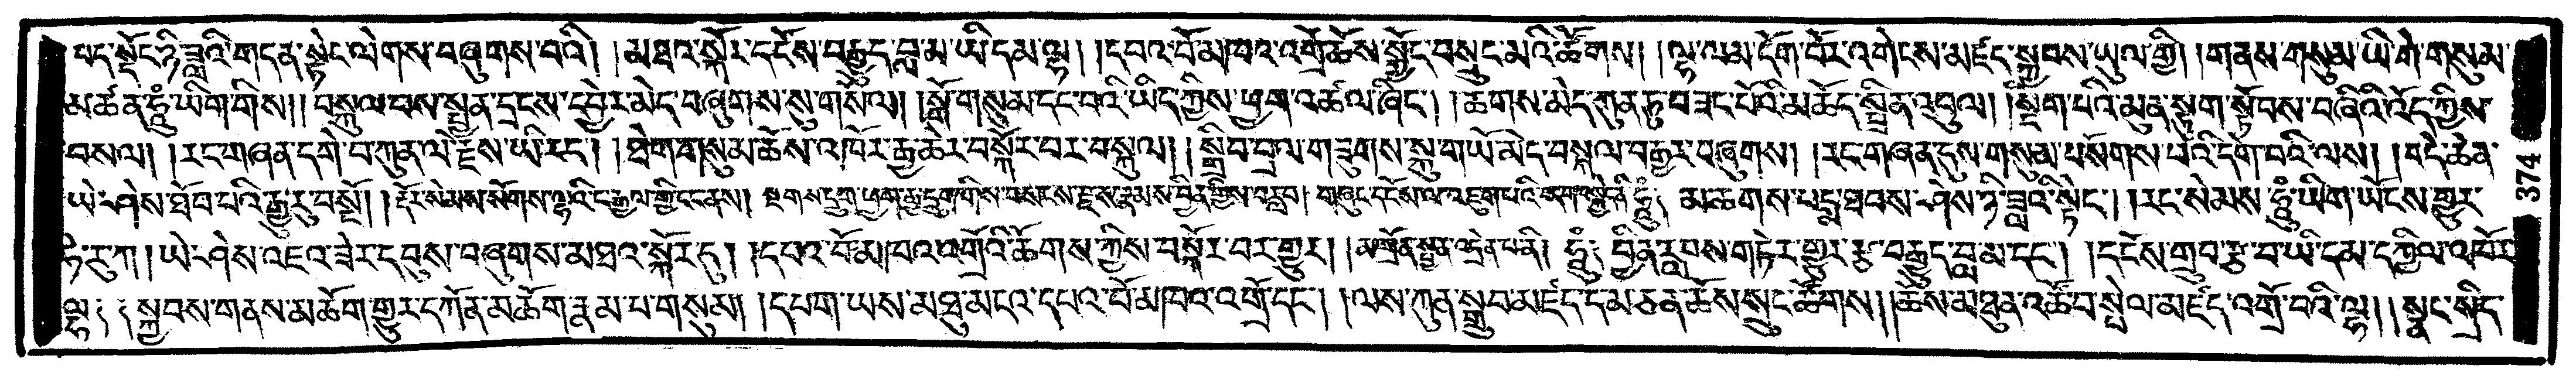པད་སྡོང་ཉི་ཟླའི་གདན་སྟེང་ལེགས་བཞུགས་པའི། །མཐའ་སྐོར་དངོས་བརྒྱུད་བླ་མ་ཡི་དམ་ལྷ། །དཔའ་བོ་མཁའ་འགྲོ་ཆོས་སྐྱོང་བསྲུང་མའི་ཚོགས། །ལྷ་ལམ་དོག་བོར་འགེངས་མཛད་སྐྱབས་ཡུལ་གྱི། །གནས་གསུམ་ཡི་གེ་གསུམ་
མཚན་ཧཱུཾ་ཡིག་གིས། །བསྐུལ་བས་སྤྱན་དྲངས་དབྱེར་མེད་བཞུགས་སུ་གསོལ། །སྒོ་གསུམ་དང་བའི་ཡིད་ཀྱིས་ཕྱག་འཚལ་ཞིང་། །ཆགས་མེད་ཀུན་ཏུ་བཟང་པོའི་མཆོད་སྤྲིན་འབུལ། །སྡིག་པའི་མུན་སྟུག་སྟོབས་བཞིའི་འོད་ཀྱིས་
བསལ། །རང་གཞན་དགེ་བ་ཀུན་ལ་རྗེས་ཡི་རང་། །ཐེག་གསུམ་ཆོས་འཁོར་རྒྱ་ཆེར་བསྐོར་བར་བསྐུལ། །སྒྲིབ་བྲལ་གཟུགས་སྐུ་གཡོ་མེད་བསྐལ་བརྒྱར་བཞུགས། །རང་གཞན་དུས་གསུམ་པ་སོགས་པའི་དགེ་བའི་ལས། །བདེ་ཆེན་
ཡེ་ཤེས་ཐོབ་པའི་རྒྱུ་རུ་བསྔོ། །རྡོར་སེམས་སོགས་ལྷའི་ང་རྒྱལ་གྱི་ངང་ནས། སྔགས་དྲུག་ཕྱག་རྒྱ་དྲུག་གིས་བསངས་རྫས་རྣམས་བྱིན་གྱིས་བརླབ། གཞུང་དངོས་ལ་འཇུག་པའི་བདག་བསྐྱེད་ནི་ཧཱུཾ། མ་ཆགས་པདམ་ཐབས་ཤེས་ཉི་ཟླའི་སྟེང་། །རང་སེམས་ཧཱུཾ་ཡིག་ཡོངས་གྱུར་
ཧེ་རུ་ཀ། ཡེ་ཤེས་འཇའ་ཟེར་དབུས་བཞུགས་མཐའ་སྐོར་དུ། །དཔའ་བོ་མཁའ་འགྲོའི་ཚོགས་ཀྱིས་བསྐོར་བར་གྱུར། །མགྲོན་སྤྱན་འདྲེན་པ་ནི། ཧཱུཾ། བྱིན་རླབས་གཏེར་གྱུར་རྩ་བརྒྱུད་བླ་མ་དང་། །དངོས་གྲུབ་རྩ་བ་ཡི་དམ་དཀྱིལ་འཁོར་
ལྷ། །སྐྱབས་གནས་མཆོག་གྱུར་དཀོན་མཆོག་རྣམ་པ་གསུམ། །དཔག་ཡས་མཐུ་མངའ་དཔའ་བོ་མཁའ་འགྲོ་དང་། །ལས་ཀུན་སྒྲུབ་མཛད་དམ་ཅན་ཆོས་སྲུང་ཚོགས། །ཆོས་མཐུན་འཚོ་བ་སྤེལ་མཛད་འགྲོ་བའི་ལྷ། །སྣང་སྲིད་